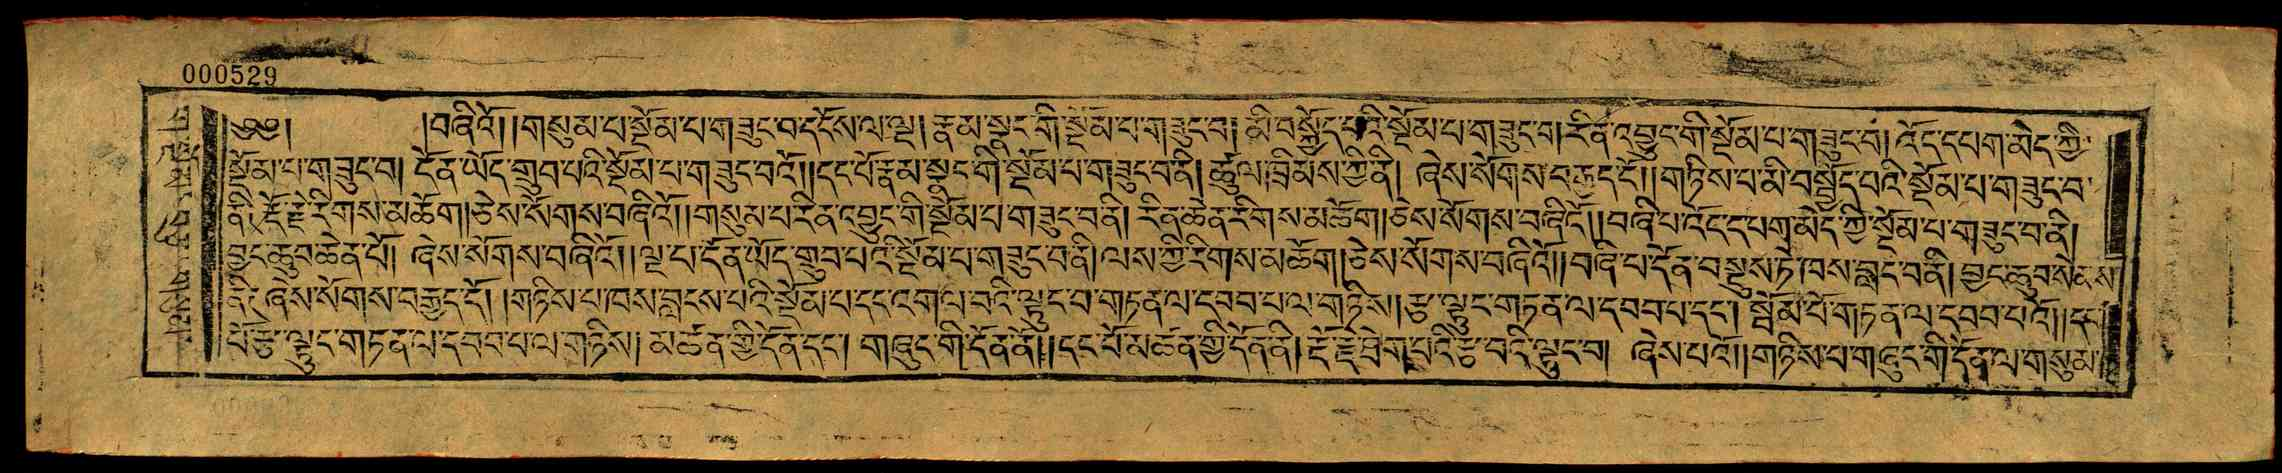༄༅། །བཞེའོ། །གསུམ་པ་སྡོམ་པ་གཟུང་བ་དངོས་ལ་ལྔ། རྣམ་སྣང་གི་སྡོམ་པ་གཟུང་བ། མི་བསྐྱོད་པའི་སྡོམ་པ་གཟུང་བ། རིན་འབྱུང་གི་སྡོམ་པ་གཟུང་བ། འོད་དཔག་མེད་ཀྱི་
སྡོམ་པ་གཟུང་བ། དོན་ཡོད་གྲུབ་པའི་སྡོམ་པ་གཟུང་བའོ། །དང་པོ་རྣམ་སྣང་གི་སྡོམ་པ་གཟུང་བ་ནི། ཚུལ་ཁྲིམས་ཀྱི་ནི། ཞེས་སོགས་བརྒྱད་དོ། །གཉིས་པ་མི་བསྐྱོད་པའི་སྡོམ་པ་གཟུང་བ་
ནི། རྡོ་རྗེ་རིགས་མཆོག །ཅེས་སོགས་བཞིའོ། །གསུམ་པ་རིན་འབྱུང་གི་སྡོམ་པ་གཟུང་བ་ནི། རིན་ཆེན་རིགས་མཆོག །ཅེས་སོགས་བཞིའོ། །བཞི་པ་འོད་དཔག་མེད་ཀྱི་སྡོམ་པ་གཟུང་བ་ནི།
བྱང་ཆུབ་ཆེན་པོ། ཞེས་སོགས་བཞིའོ། །ལྔ་པ་དོན་ཡོད་གྲུབ་པའི་སྡོམ་པ་གཟུང་བ་ནི། ལས་ཀྱི་རིགས་མཆོག་ཅེས་སོགས་བཞིའོ། །བཞི་པ་དོན་བསྡུས་ཏེ་ཁས་བླང་བ་ནི། བྱང་ཆུབ་སེམས་
ནི། ཞེས་སོགས་བརྒྱད་དོ། །གཉིས་པ་ཁས་བླངས་པའི་སྡོམ་པ་དང་འགལ་བའི་ལྟུང་བ་གཏན་ལ་དབབ་པ་ལ་གཉིས། རྩ་ལྟུང་གཏན་ལ་དབབ་པ་དང་། སྦོམ་པོ་གཏན་ལ་དབབ་པའོ། །དང་
པོ་རྩ་ལྟུང་གཏན་ལ་དབབ་པ་ལ་གཉིས་མཚན་གྱི་དོན་དང་། གཞུང་གི་དོན་ནོ། །དང་པོ་མཚན་གྱི་དོན་ནི། རྡོ་རྗེ་ཐེག་པའི་རྩ་བའི་ལྟུང་བ། ཞེས་པའོ། །གཉིས་པ་གཞུང་གི་དོན་ལ་གསུམ་